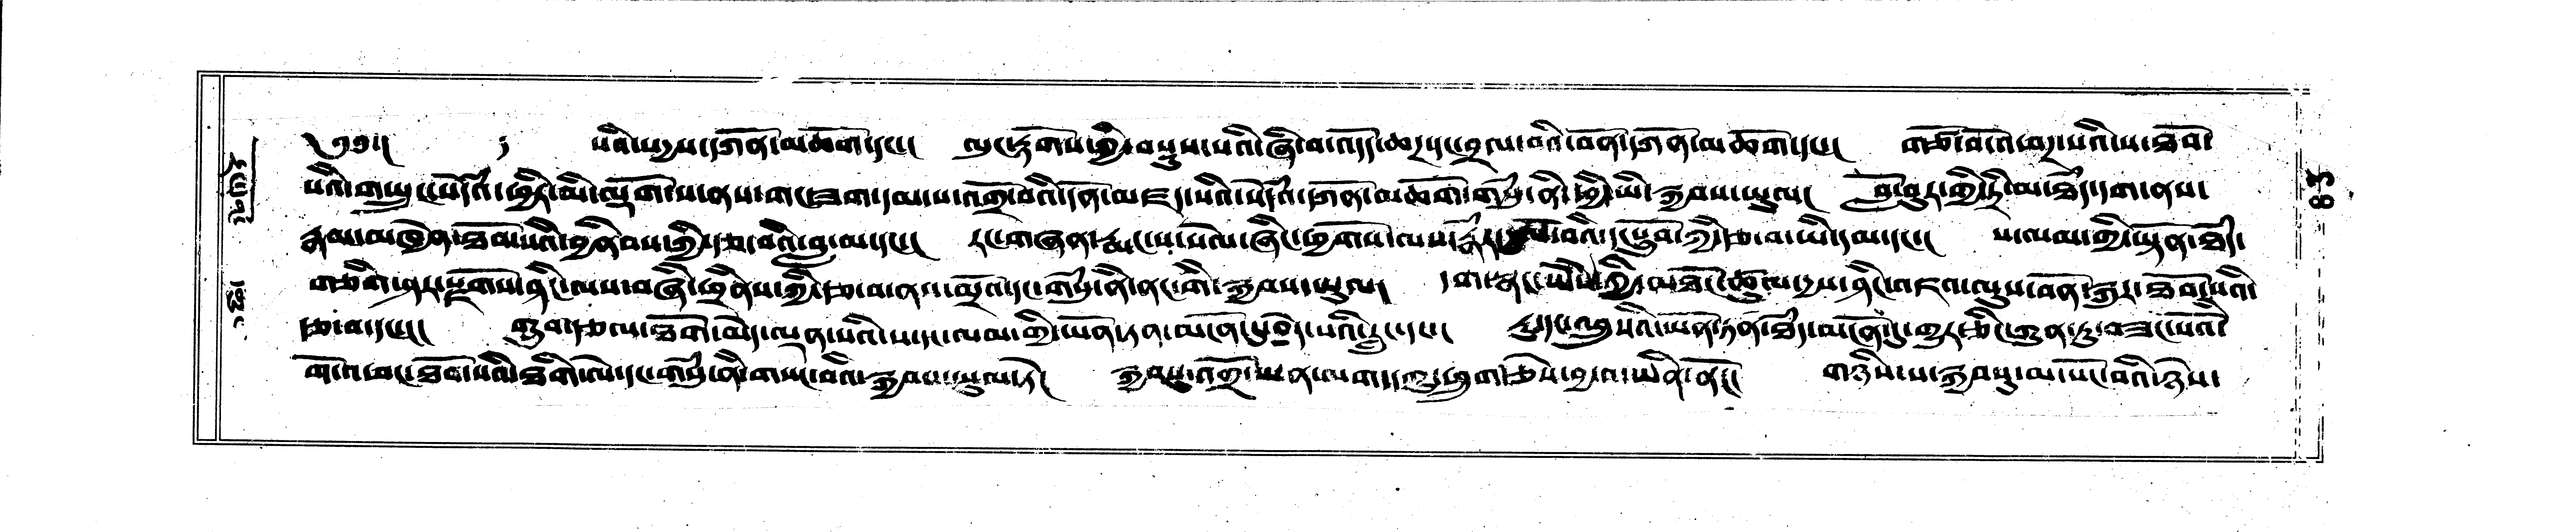པའི་སངས་རྒྱས་དཀོན་མཆོག་དང་། སྤངས་རྟོགས་ཀྱིས་བསྡུས་པའི་ཞི་བ་འདོད་ཆགས་དང་བྲལ་བའི་བོན་དཀོན་མཆོག་དང་། གཙོ་བོ་འཕགས་པའི་ས་ཐོབ་
པའི་གཡུང་དྲུང་སེམས་དཔའ་ཕྱིར་མི་ལྡོག་པ་ནས་གང་ཟག་དམ་པ་འགྲོ་བའི་དོན་མཛད་པའི་སེམས་དཔའ་དཀོན་མཆོག་གསུམ་ནི་ཕྱིའི་སྐྱབས་ཡུལ། གློ་བུར་གྱི་དྲི་མ་ཐམས་ཅད་དག་ནས་
རྣམ་མཁྱེན་ཐོབ་པའི་བྱིན་རླབས་ཀྱི་རྩ་བའི་བླ་མ་དང་། རང་གཞན་རྨོངས་པ་སེལ་ཞིང་ཕྱོགས་ལས་རྣམ་པར་རྒྱལ་བའི་དངོས་གྲུབ་ཀྱི་རྩ་བ་ཡི་དམ་དང་། ས་ལམ་གྱི་ཡོན་ཏན་ཐམས་ཅད་
གཅིག་ཆར་རྫོགས་ཤིང་ལས་བཞི་ཕྲིན་ལས་ཀྱི་རྩ་བ་ནི་མཁའ་འགྲོ་དང་གསུམ་ནི་ནང་གི་སྐྱབས་ཡུལ། དག་སྣང་ཡེ་ཤེས་ཀྱི་མཐོང་ཚུལ་རྒྱས་ཤིང་འཇའ་ལུས་བོན་སྐུ་ཐོབ་པའི་
རྩ་བ་དང་། གྲུབ་རྩལ་ཐོགས་མེད་ལྡན་པའི་ས་དང་ལམ་གྱི་ཡོན་ཏན་མངོན་དུ་བྱེད་པའི་རླུང་དང་། རྒྱུ་དང་འབྲས་བུའི་ཡོན་ཏན་ཐམས་ཅད་མངོན་དུ་གྱུར་ཅིང་ཀུན་ཏུ་བཟང་པོའི་
གོ་འཕང་ཐོབ་པའི་ཐིག་ལེ་དང་གསུམ་ནི། གསང་བའི་སྐྱབས་ཡུལ་ཏེ། སྐྱབས་འགྲོ་ཡན་ལག་དགུ་ཕྲུག་ཅེས་བྱ་ཡིན་ནོ། །གཉིས་པ་སྐྱབས་སུ་མ་སོང་བའི་ཉེས་